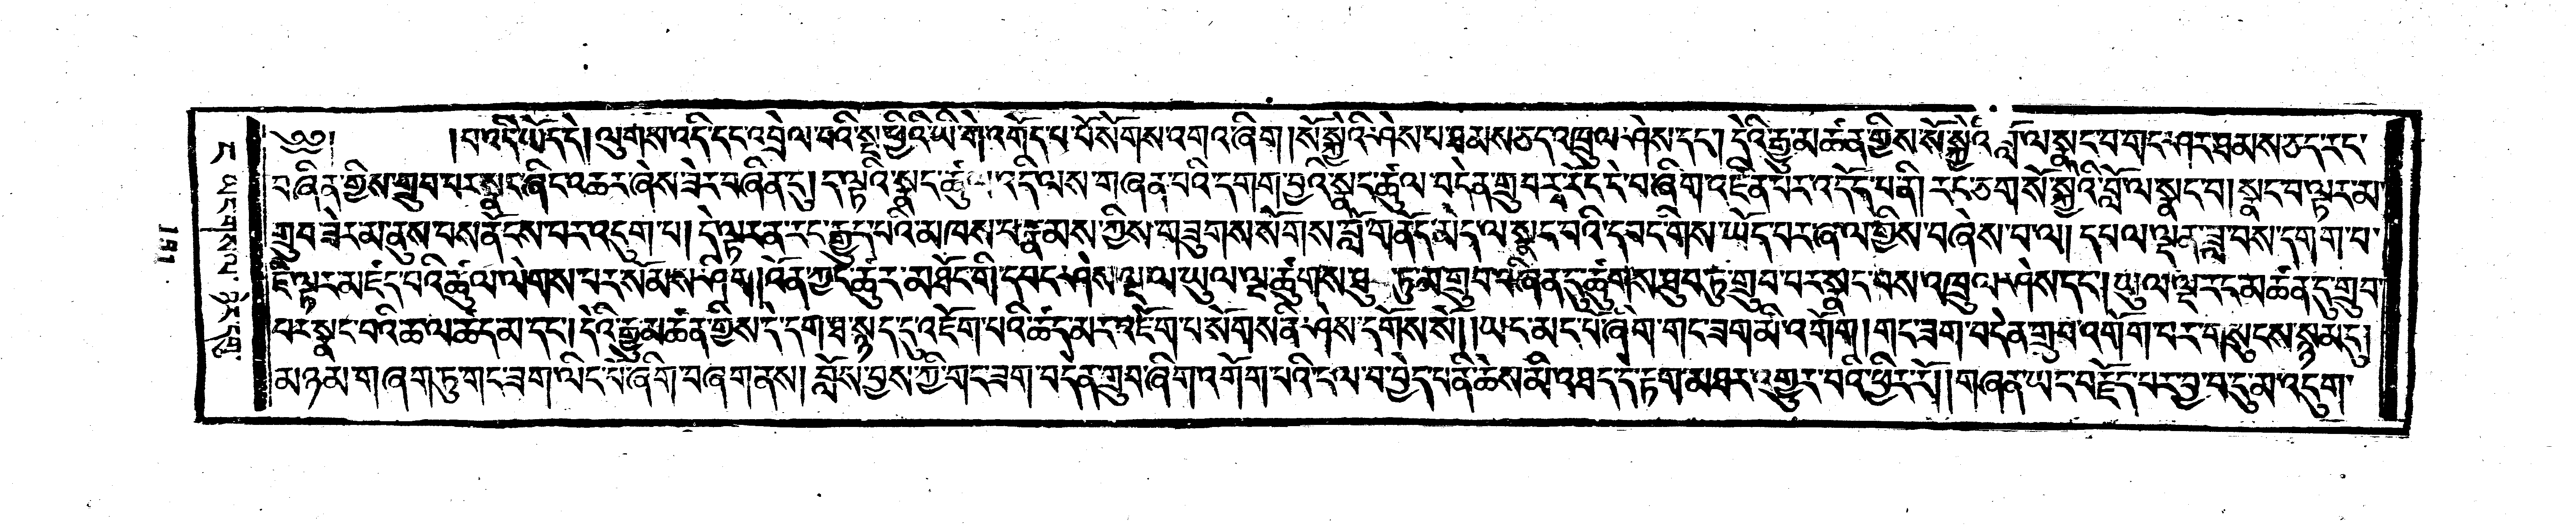༄༅། །པ་འདི་ཡོད་དེ། ལུགས་འདི་དང་འབྲེལ་བའི་སྔ་ཕྱིའི་ཡི་གེ་འགྲོད་པ་པོ་སོགས་འགའ་ཞིག །སོ་སྐྱེའི་ཤེས་པ་ཐམས་ཅད་འཁྲུལ་ཤེས་དང་། དེའི་རྒྱུ་མཚན་གྱིས་སོ་སྐྱེའི་བློ་ལ་སྣང་བ་གང་ཤར་ཐམས་ཅད་རང་
བཞིན་གྱིས་གྲུབ་པར་སྣང་ཞིང་འཆར་ཞེས་ཟེར་བཞིན་དུ། ད་ལྟའི་སྣང་ཚུལ་འདི་ལས་གཞན་པའི་དགག་བྱའི་སྣང་ཚུལ་བདེན་གྲུབ་རྭ་རོང་དེ་བ་ཞིག་འཛིན་པར་འདོད་པ་ནི། རང་ཅག་སོ་སྐྱེའི་བློ་ལ་སྣང་བ། སྣང་བ་ལྟར་མ་
གྲུབ་ཟེར་མ་ནུས་པས་ནོངས་པར་འདུག་པ། དེ་ལྟར་ན་རང་རྒྱུད་པའི་མཁས་པ་རྣམས་ཀྱིས་གཟུགས་སོགས་བློ་གནོད་མེད་ལ་སྣང་བའི་དབང་གིས་ཡོད་པར་ཞལ་གྱིས་བཞེས་པ་ལ། དཔལ་ལྡན་ཟླ་བས་དགག་པ་
ཇི་ལྟར་མཛད་པའི་ཚུལ་ལེགས་པར་སོམས་ཤིག །འོན་ཀྱང་ཚུར་མཐོང་གི་དབང་ཤེས་ལྔ་ལ་ཡུལ་ལྔ་ཚུགས་ཐུབ་ཏུ་མ་གྲུབ་བཞིན་དུ་ཚུགས་ཐུབ་ཏུ་གྲུབ་པར་སྣང་བས་འཁྲུལ་ཤེས་དང་། ཡུལ་ལྔ་རང་མཚན་དུ་གྲུབ་
པར་སྣང་བའི་ཆ་ལ་ཚད་མ་དང་། དེའི་རྒྱུ་མཚན་གྱིས་དེ་དག་ཐ་སྙད་དུ་འཇོག་པའི་ཚད་མར་འཇོག་པ་སོགས་ནི་ཤེས་དགོས་སོ། །ཡང་མང་པོ་ཞིག་གང་ཟག་མི་འགོག །གང་ཟག་བདེན་གྲུབ་འགོག་པར་གསུངས་སྙམ་དུ་
མཉམ་གཞག་ཏུ་གང་ཟག་ལིང་པོ་ཞིག་བཞག་ནས། བློས་བྱས་ཀྱི་གང་ཟག་བདེན་གྲུབ་ཞིག་འགོག་པའི་ངལ་བ་བྱེད་པ་ནི་ཆེས་མི་འཐད་དེ་རྟག་མཐར་འགྱུར་བའི་ཕྱིར་རོ། །གཞན་ཡང་བརྗོད་པར་བྱ་བ་དུ་མ་འདུག་